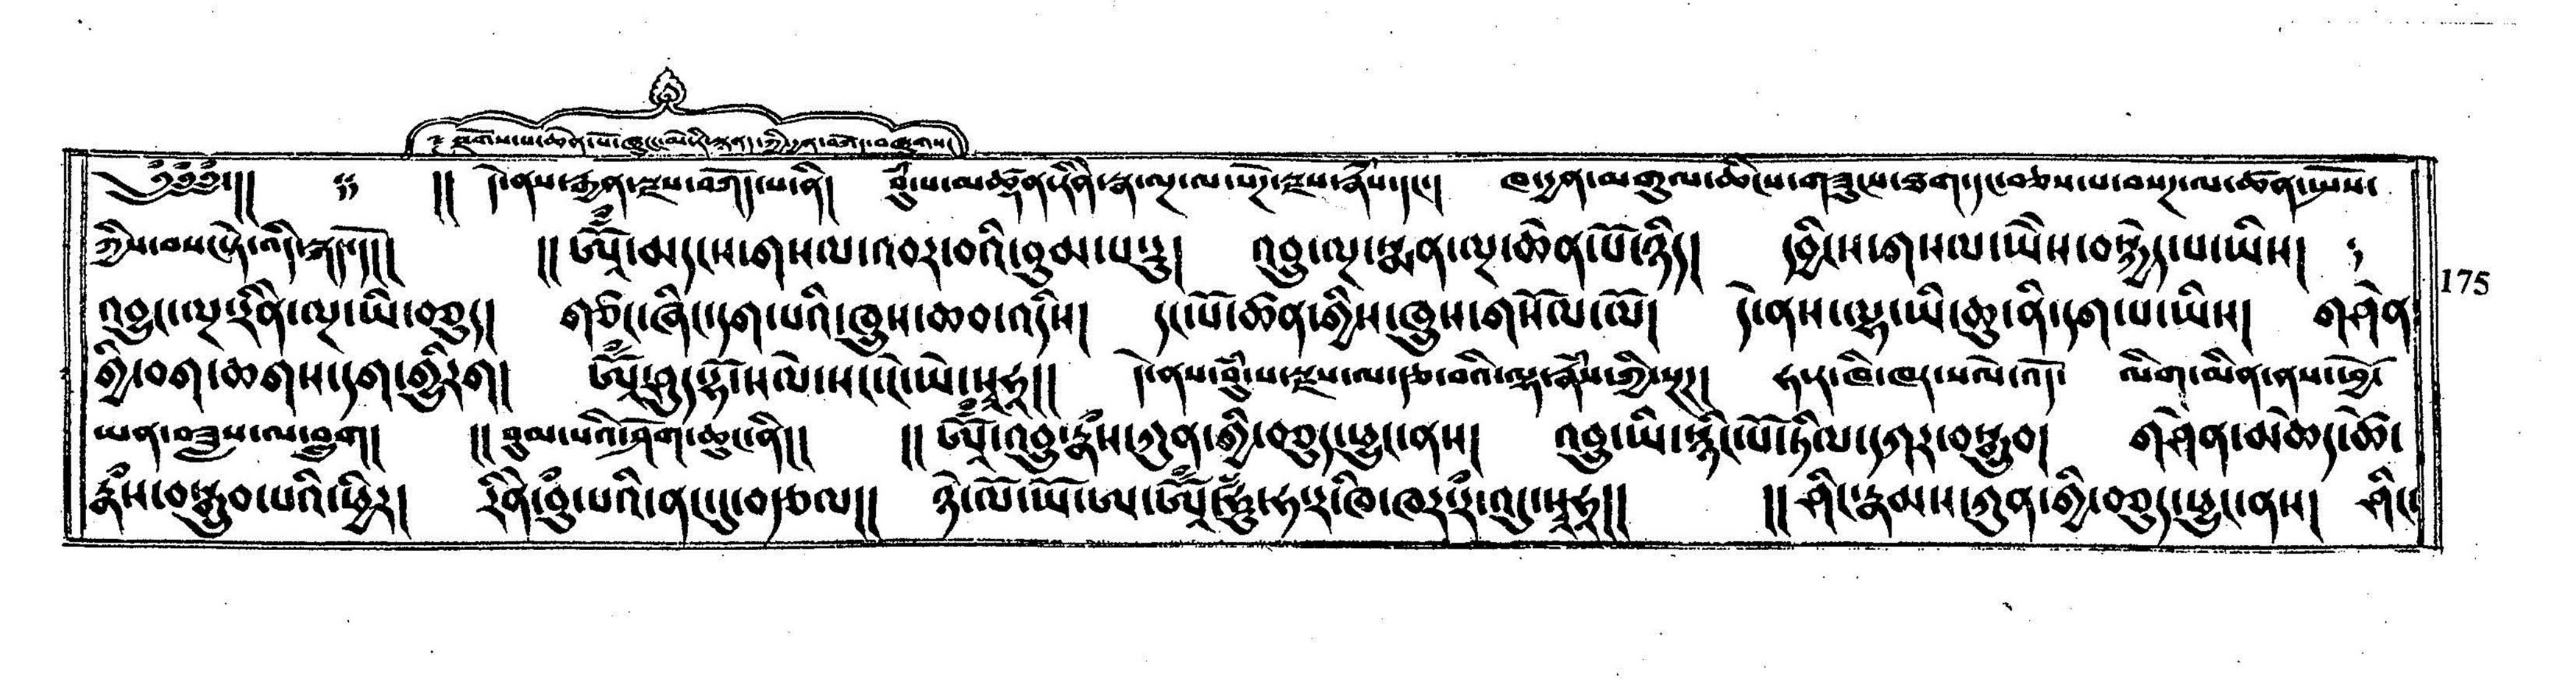༈ རྫོགས་པ་ཆེན་པོ་ཞང་ཞུང་མེ་རི་སྙན་རྒྱུད་ཀྱི་རྒྱན་བཀོད་བཞུགས།༄༅༅།། །།དེ་ནས་རྒྱན་རྫས་བཀོད་པ་ནི། བུམ་པ་མཚན་ལྡན་རིན་ཆེན་སྣ་ལྔ་ལ་སོགས་རྫས་རྣམས་དང་། ཁ་རྒྱན་མགུལ་ཆིངས་གཟུངས་ཐག་དང་བཅས་པ་བསགས་ལ་ཚན་སྤོས་
ཀྱིས་བསང་སྟེ་འདི་སྐད་དོ།། །།ཨཱོཾ་མདངས་གསལ་འབར་བའི་བུམ་པ་རུ། འབྲུ་ལྔ་སྨན་ལྔ་ཆེན་པོ་ཉིད། དབྱིངས་གསལ་ཡེ་ཤེས་བསྐྱེད་པ་ཡིས། 
འབྱུང་ལྔ་རིན་ཆེན་ལྔ་ཡི་བཅུད། གཙང་ཞིང་དག་པའི་ཁྲུས་ཆབ་འདིས། དང་པོ་ཚན་གྱིས་ཁྲུས་གསོལ་ལོ། དེ་ནས་ལྷ་ཡི་ཆུ་ནི་དག་པ་ཡིས། གཤེན་
གྱི་བག་ཆགས་དག་གྱུར་ཅིག ཨཱོཾ་ཤུད་དྷོ་སལེ་སང་ངེ་ཡེ་སྭཱཧཱ།། དེ་ནས་བུམ་པ་རྫས་ལ་རྩ་བའི་ལྷ་རྣམས་ཀྱི་སྔགས། ཧ་ར་ཁི་ཁར་སལེ་འོད་ལིག་མིན་ནས་ཕྱ་ཚེ་
ཡན་བཟླས་ལ་བླུག །།བུམ་པའི་ཤོག་ཆུང་ནི།། །།ཨཱོཾ་འབྲུ་རྣམས་ཀུན་གྱི་བཅུད་ཕྱུང་ནས། འབྲུ་ཡི་སྙིང་པོ་ཏིལ་དཀར་བསྒྲུབ། གཤེན་མཆེད་ཚེ་
རྣམས་བསྒྲུབ་པའི་ཕྱིར། རིན་ཆེན་བུམ་པའི་ནང་དུ་བརྩལ།། ཉེ་ལོ་ཡོ་ཨ་ཨཱོཾ་ཧཱུྃ་ཧ་ར་ཁི་ཁར་རམ་འདུ་སྭཱཧཱ།། །།ཤིང་རྣམས་ཀུན་གྱི་བཅུད་ཕྱུང་ནས། ཤིང་